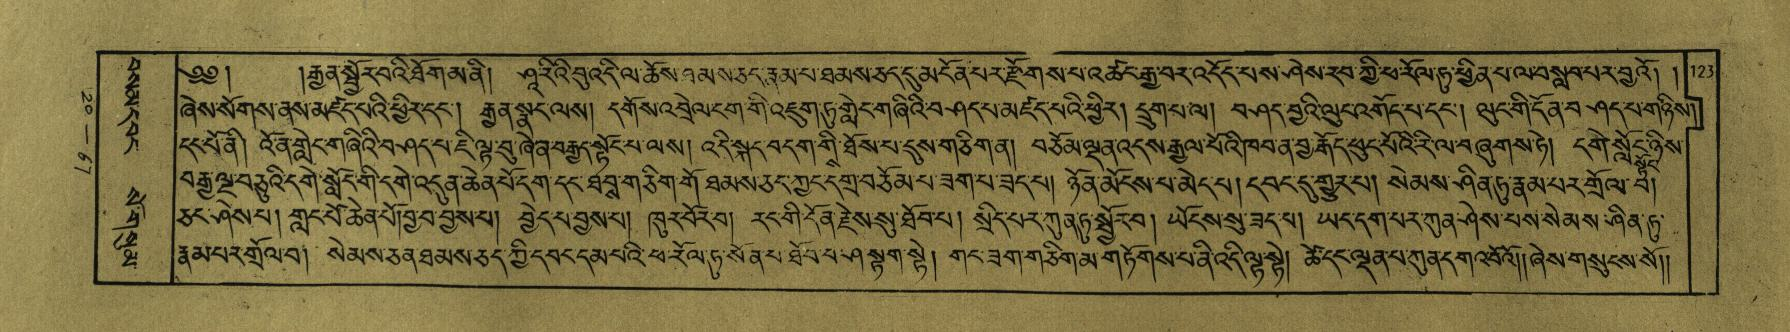༄༅། །རྒྱན་སྦྱོར་བའི་ཐོག་མ་ནི། ཤཱ་རིའི་བུ་འདི་ལ་ཆོས་ཐམས་ཅད་རྣམ་པ་ཐམས་ཅད་དུ་མངོན་པར་རྫོགས་པ་འཚང་རྒྱ་བར་འདོད་པས་ཤེས་རབ་ཀྱི་ཕ་རོལ་ཏུ་ཕྱིན་པ་ལ་བསླབ་པར་བྱའོ། །
ཞེས་སོགས་ནས་མཛད་པའི་ཕྱིར་དང་། རྒྱན་སྣང་ལས། དགོས་འབྲེལ་ངག་གི་འཇུག་ཏུ་གླེང་གཞིའི་བཤད་པ་མཛད་པའི་ཕྱིར། དྲུག་པ་ལ། བཤད་བྱའི་ལུང་འགོད་པ་དང་། ལུང་གི་དོན་བཤད་པ་གཉིས།
དང་པོ་ནི། འོ་ན་གླེང་གཞིའི་བཤད་པ་ཇི་ལྟ་བུ་ཞེ་ན་བརྒྱད་སྟོང་པ་ལས། འདི་སྐད་བདག་གིས་ཐོས་པ་དུས་གཅིག་ན། བཅོམ་ལྡན་འདས་རྒྱལ་པོའི་ཁབ་ན་བྱ་རྒོད་ཕུང་པོའི་རི་ལ་བཞུགས་ཏེ། དགེ་སློང་སྟོང་ཉིས་
བརྒྱ་ལྔ་བཅུའི་དགེ་སློང་གི་དགེ་འདུན་ཆེན་པོ་དག་དང་ཐབས་གཅིག་གོ་ཐམས་ཅད་ཀྱང་དགྲ་བཅོམ་པ་ཟག་པ་ཟད་པ། ཉོན་མོངས་པ་མེད་པ། དབང་དུ་གྱུར་པ། སེམས་ཤིན་ཏུ་རྣམ་པར་གྲོལ་བ།
ཅང་ཤེས་པ། གླང་པོ་ཆེན་པོ། བྱ་བ་བྱས་པ། བྱེད་པ་བྱས་པ། ཁུར་བོར་བ། རང་གི་དོན་རྗེས་སུ་ཐོབ་པ། སྲིད་པར་ཀུན་ཏུ་སྦྱོར་བ། ཡོངས་སུ་ཟད་པ། ཡང་དག་པར་ཀུན་ཤེས་པས་སེམས་ཤིན་ཏུ་
རྣམ་པར་འགྲོལ་བ། སེམས་ཅན་ཐམས་ཅད་ཀྱི་དབང་དམ་པའི་ཕ་རོལ་ཏུ་སོན་པ་ཐོབ་པ་ཤ་སྟག་སྟེ། གང་ཟག་གཅིག་མ་གཏོགས་པ་ནི་འདི་ལྟ་སྟེ། ཚེ་དང་ལྡན་པ་ཀུན་དགའ་བོའོ། །ཞེས་གསུངས་སོ།།